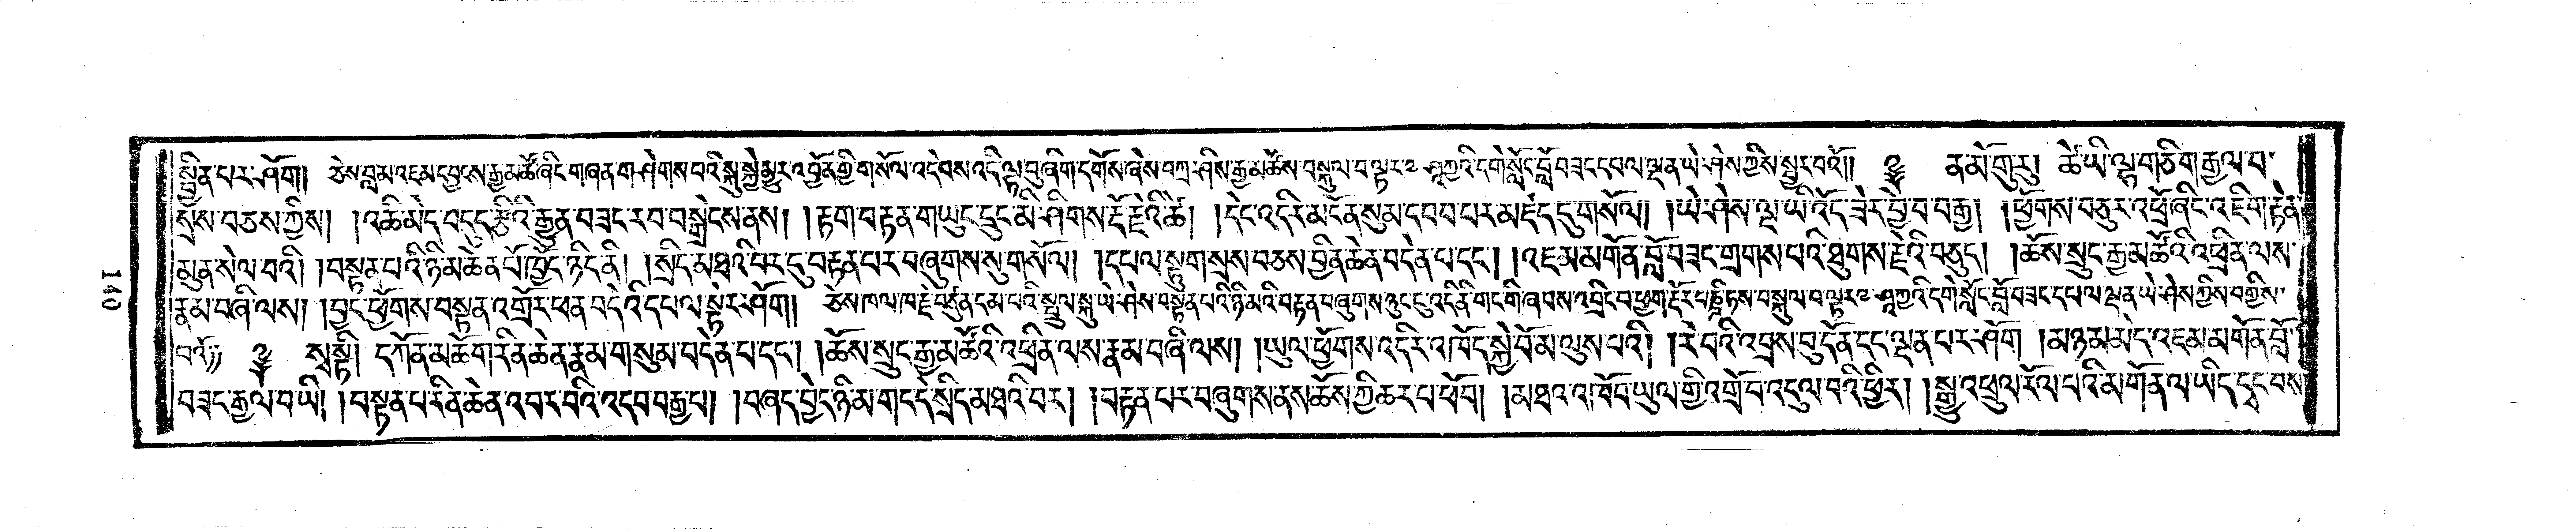སྦྱིན་པར་ཤོག། ཅེས་བླ་མ་འཇམ་དབྱངས་རྒྱ་མཚོ་ཞིང་གཞན་གཤེགས་པའི་སྐུ་སྐྱེ་མྱུར་འབྱོན་གྱི་གསོལ་འདེབས་འདི་ལྟ་བུ་ཞིག་དགོས་ཞེས་བཀྲ་ཤིས་རྒྱ་མཚོས་བསྐུལ་བ་ལྟར་༧་ཤཱཀྱའི་དགེ་སློང་བློ་བཟང་དཔལ་ལྡན་ཡེ་ཤེས་ཀྱིས་སྦྱར་བའོ།། ༈ ན་མོ་གུ་རུ། ཚེ་ཡི་ལྷ་གཅིག་རྒྱལ་བ་
སྲས་བཅས་ཀྱིས། །འཆི་མེད་བདུད་རྩིའི་རྒྱུན་བཟང་རབ་བསྒྲེངས་ནས། །རྟག་བརྟན་གཡུང་དྲུང་མི་ཤིགས་རྡོ་རྗེའི་ཚེ། །དེང་འདིར་མངོན་སུམ་དབབ་པར་མཛད་དུ་གསོལ། །ཡེ་ཤེས་ལྔ་ཡི་འོད་ཟེར་བྱེ་བ་བརྒྱ། །ཕྱོགས་བཅུར་འཕྲོ་ཞིང་འཇིག་རྟེན་
མུན་སེལ་བའི། །བསྟན་པའི་ཉི་མ་ཆེན་པོ་ཁྱོད་ཉིད་ནི། །སྲིད་མཐའི་བར་དུ་བརྟན་པར་བཞུགས་སུ་གསོལ། །དཔལ་སྟུག་སྲས་བཅས་བྱིན་ཆེན་བདེན་པ་དང་། །འཇམ་མགོན་བློ་བཟང་གྲགས་པའི་ཐུགས་རྗེའི་བཅུད། །ཆོས་སྲུང་རྒྱ་མཚོའི་འཕྲིན་ལས་
རྣམ་བཞི་ལས། །བྱང་ཕྱོགས་བསྟན་འགྲོར་ཕན་བདེའི་དཔལ་སྟེར་ཤོག། ཅེས་ཁལ་ཁ་རྗེ་བཙུན་དམ་པའི་སྤྲུལ་སྐུ་ཡེ་ཤེས་བསྟན་པའི་ཉི་མའི་བརྟན་བཞུགས་ཉུང་དུ་འདི་ནི་གང་གི་ཞབས་འབྲིང་བ་ཕྱག་རྡོར་པཎྜི་ཏས་བསྐུལ་བ་ལྟར་༧་ཤཱཀྱའི་དགེ་སློང་བློ་བཟང་དཔལ་ལྡན་ཡེ་ཤེས་ཀྱིས་བགྱིས་
བའོ༑༑ ༈ སྭ་སྟི། དཀོན་མཆོག་རིན་ཆེན་རྣམ་གསུམ་བདེན་པ་དང་། །ཆོས་སྲུང་རྒྱ་མཚོའི་འཕྲིན་ལས་རྣམ་བཞི་ལས། །ཡུལ་ཕྱོགས་འདིར་འཁོད་སྐྱེ་བོ་མ་ལུས་པའི། །རེ་བའི་འབྲས་བུ་དོན་དང་ལྡན་པར་ཤོག །མཉམ་མེད་འཇམ་མགོན་བློ་
བཟང་རྒྱལ་བ་ཡི། །བསྟན་པ་རིན་ཆེན་འབར་བའི་འདབ་བརྒྱ་པ། །བཞད་བྱེད་ཉི་མ་གང་དེ་སྲིད་མཐའི་བར། །བརྟན་པར་བཞུགས་ནས་ཆོས་ཀྱི་ཆར་པ་ཕོབ། །མཐའ་འཁོབ་ཡུལ་གྱི་འགྲོ་བ་འདུལ་བའི་ཕྱིར། །སྒྱུ་འཕྲུལ་རོལ་པའི་མགོན་ལ་ཡིད་དྭང་བས་